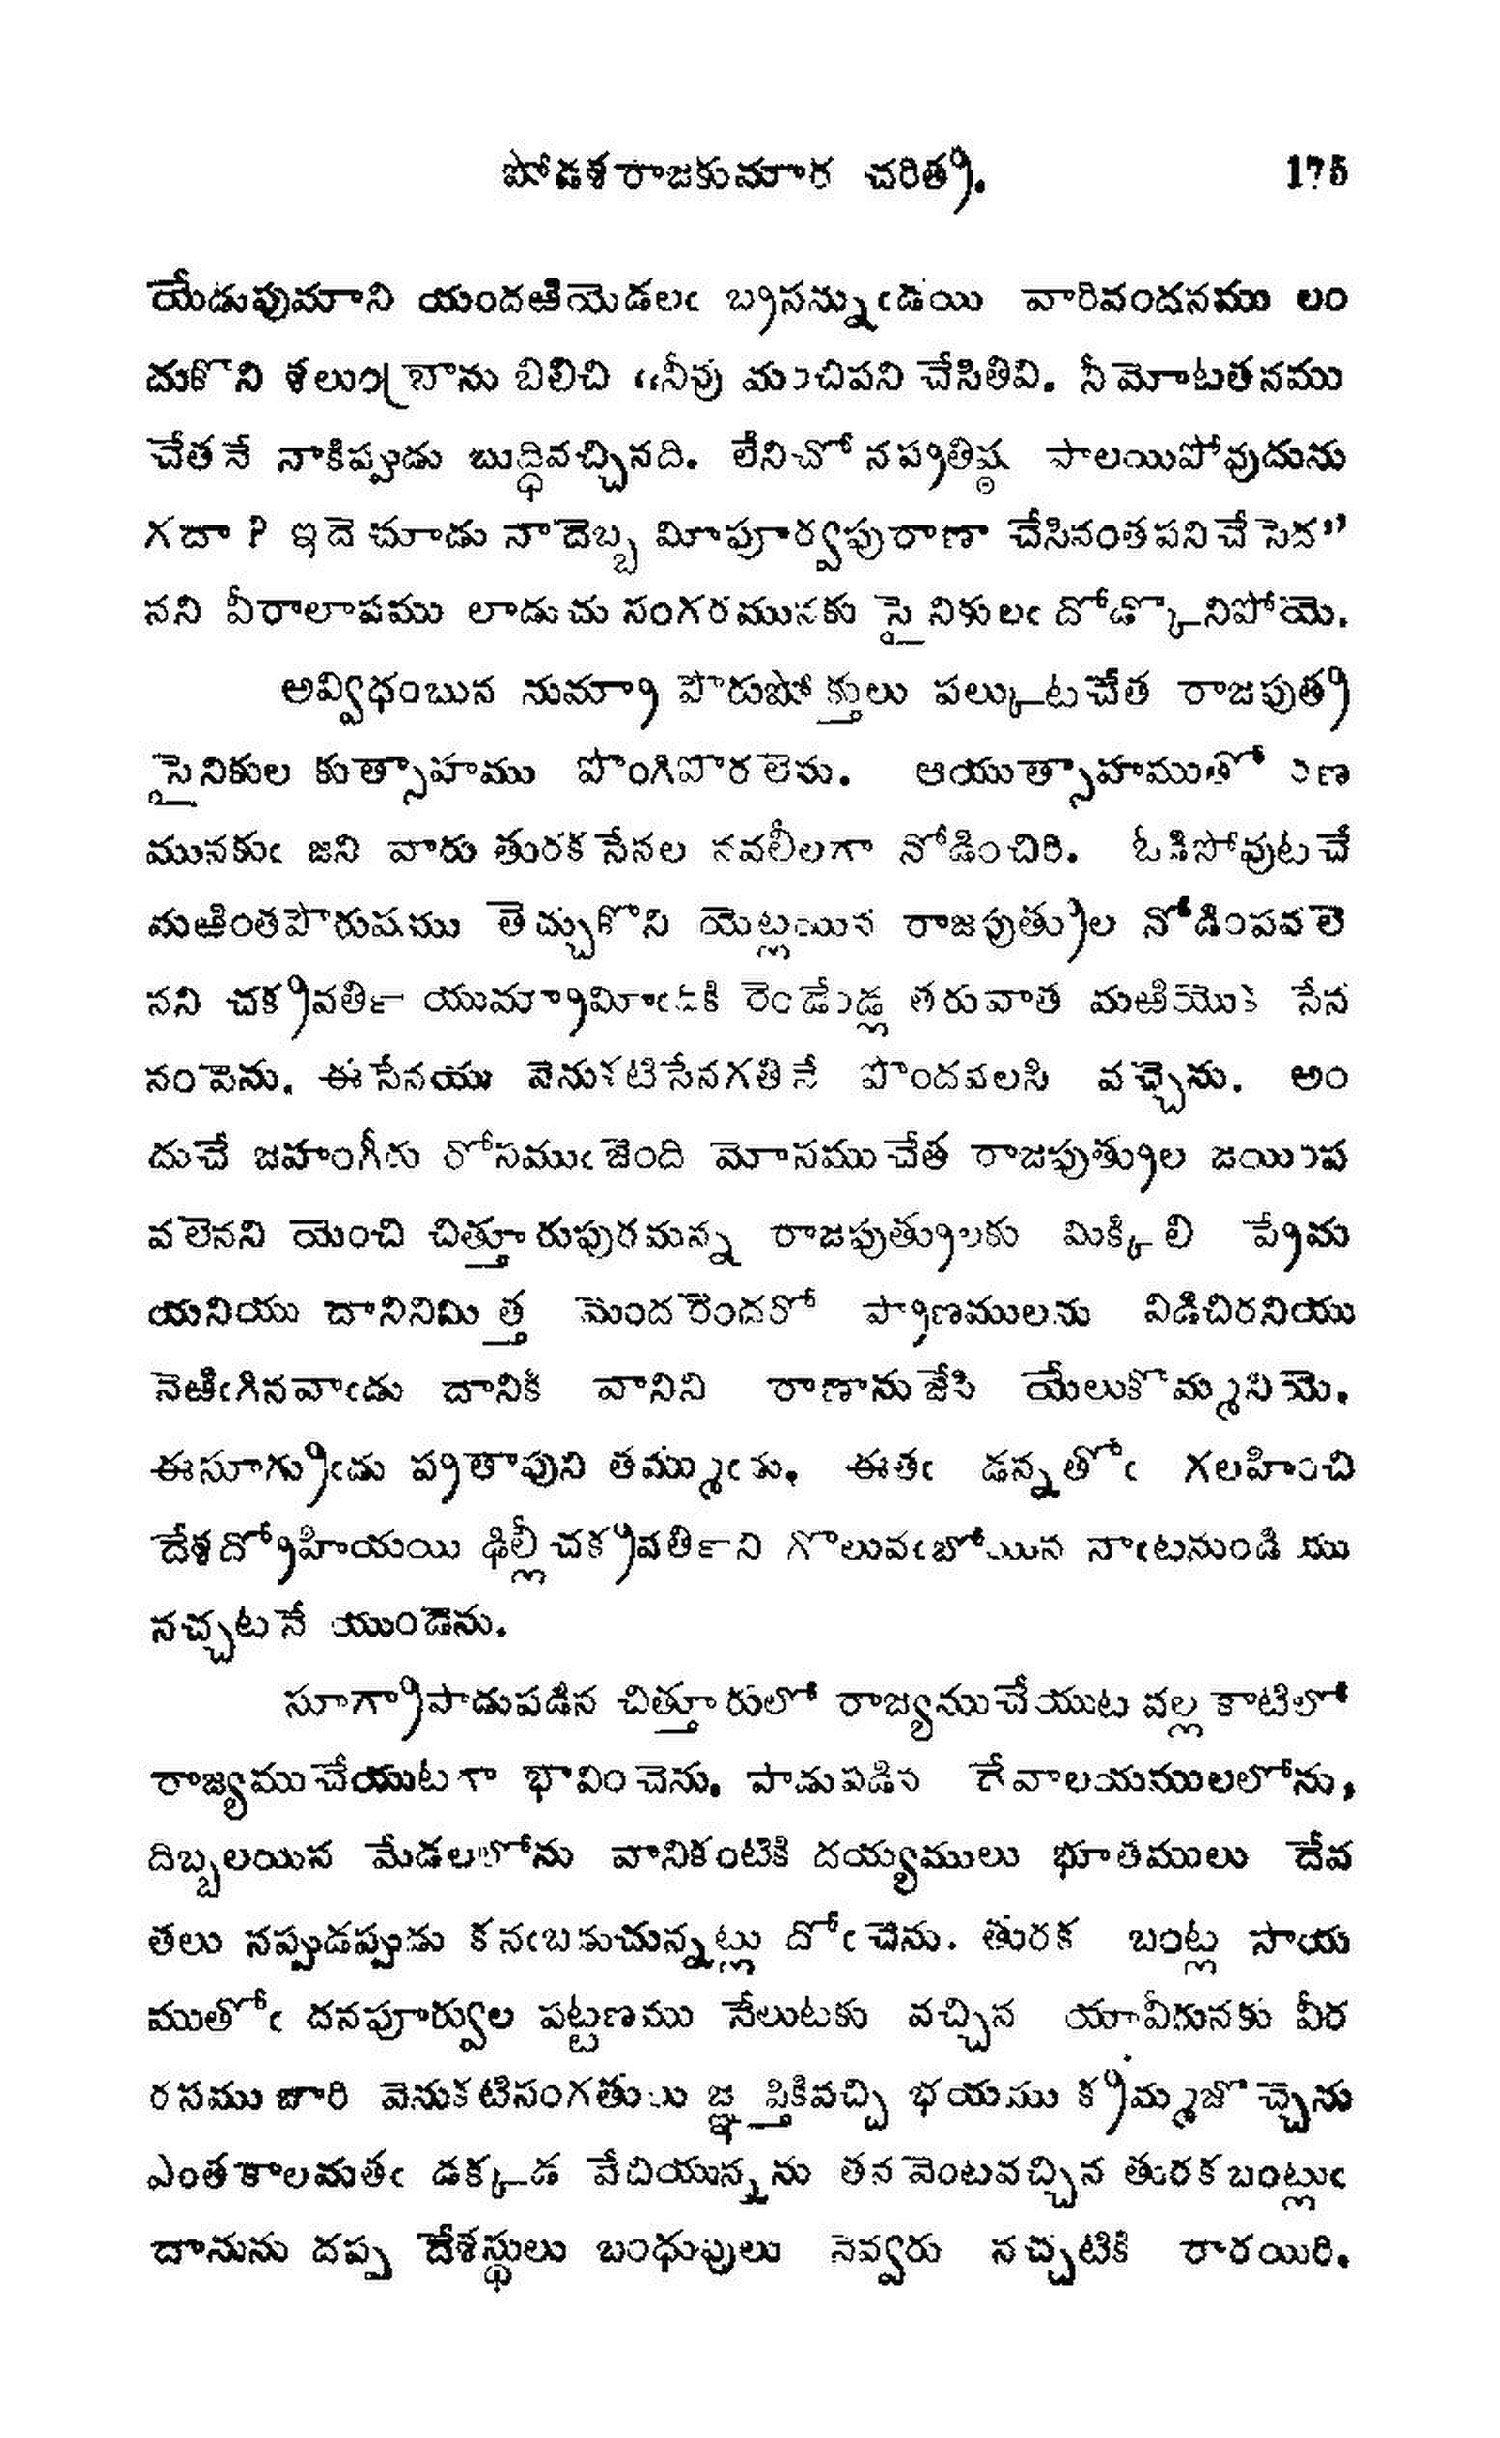యేడుపుమాని యందఱి యెడలఁ బ్రసన్నుఁడయి వారివందనము లందుకొని శలుంబ్రాను బిలిచి "నీవు మంచిపని చేసితివి.నీమోటతనము
చేతనే నాకిప్పుడు బుద్ధివచ్చినది. లేనిచో నప్రతిష్ఠ పాలయిపోవుదును గదా? ఇదె చూడు నాదెబ్బ మీపూర్వపురాణా చేసినంతపనిచేసెద"నని వీరాలాపము లాడుచు సంగరమునకు సైనికులఁ దోడ్కొనిపోయె.

అవ్విధంబున నుమ్రా పౌరుషోక్తులు పల్కుటచేత రాజపుత్ర సైనికుల కుత్సాహము పొంగిపొరలెను. ఆయుత్సాహముతో రణమునకుఁ జని వారు తురకసేనల నవలీలగా నోడించిరి. ఓడిపోవుటచే మఱింతపౌరుషము తెచ్చుకొని యెట్లయిన రాజపుత్రుల నోడింపవలెనని చక్రవతి౯ యుమ్రామీఁదికి రెండేండ్ల తరువాత మఱియొక సేన నంపెను. ఈ సేనయు వెనుకటిసేనగతినే పొందవలసి వచ్చెను. అందుచే జహంగీరు రోసముఁజెంది మోసము చేత రాజపుత్రుల జయింపవలెనని యెంచి చిత్తూరుపురమన్న రాజపుత్రులకు మిక్కిలి ప్రేమయనియు దానినిమిత్త మెంద రెందరో ప్రాణములను విడిచిరనియు నెఱిఁగినవాఁడు దానికి వానిని రాణాను జేసి యేలుకొమ్మనియె. ఈసూగ్రుఁడు ప్రతాపుని తమ్ముఁడు, ఈతఁ డన్నతోఁ గలహించి దేశద్రోహియయి ఢిల్లీచక్రవతి౯కాని గొలువఁబోయిన నాఁటనుండియు నచ్చటనే యుండెను.

సూగ్రాపాడుపడిన చిత్తూరులో రాజ్యముచేయుట వల్లకాటిలో రాజ్యముచేయుటగా భావించెను. పాడుపడిన దేవాలయములలోను, దిబ్బలయిన మేడలలోను వానికంటికి దయ్యములు భూతములు దేవతలు నప్పుడప్పుడు కనఁబడుచున్నట్లు దోఁచెను. తురక బంట్ల సాయముతోఁ దన పూర్వుల పట్టణము నేలుటకు వచ్చిన యావీరునకు వీర రసము జారి వెనుకటిసంగతులు జ్ఞప్తికివచ్చి భయము క్రమ్మజోచ్చెను ఎంతకాలమతఁ డక్కడ వేచియున్నను తనవెంటవచ్చిన తురక బంట్లుఁ దానును దప్ప దేశస్థులు బంధువులు నెవ్వరు నచ్చటికి రారయిరి.